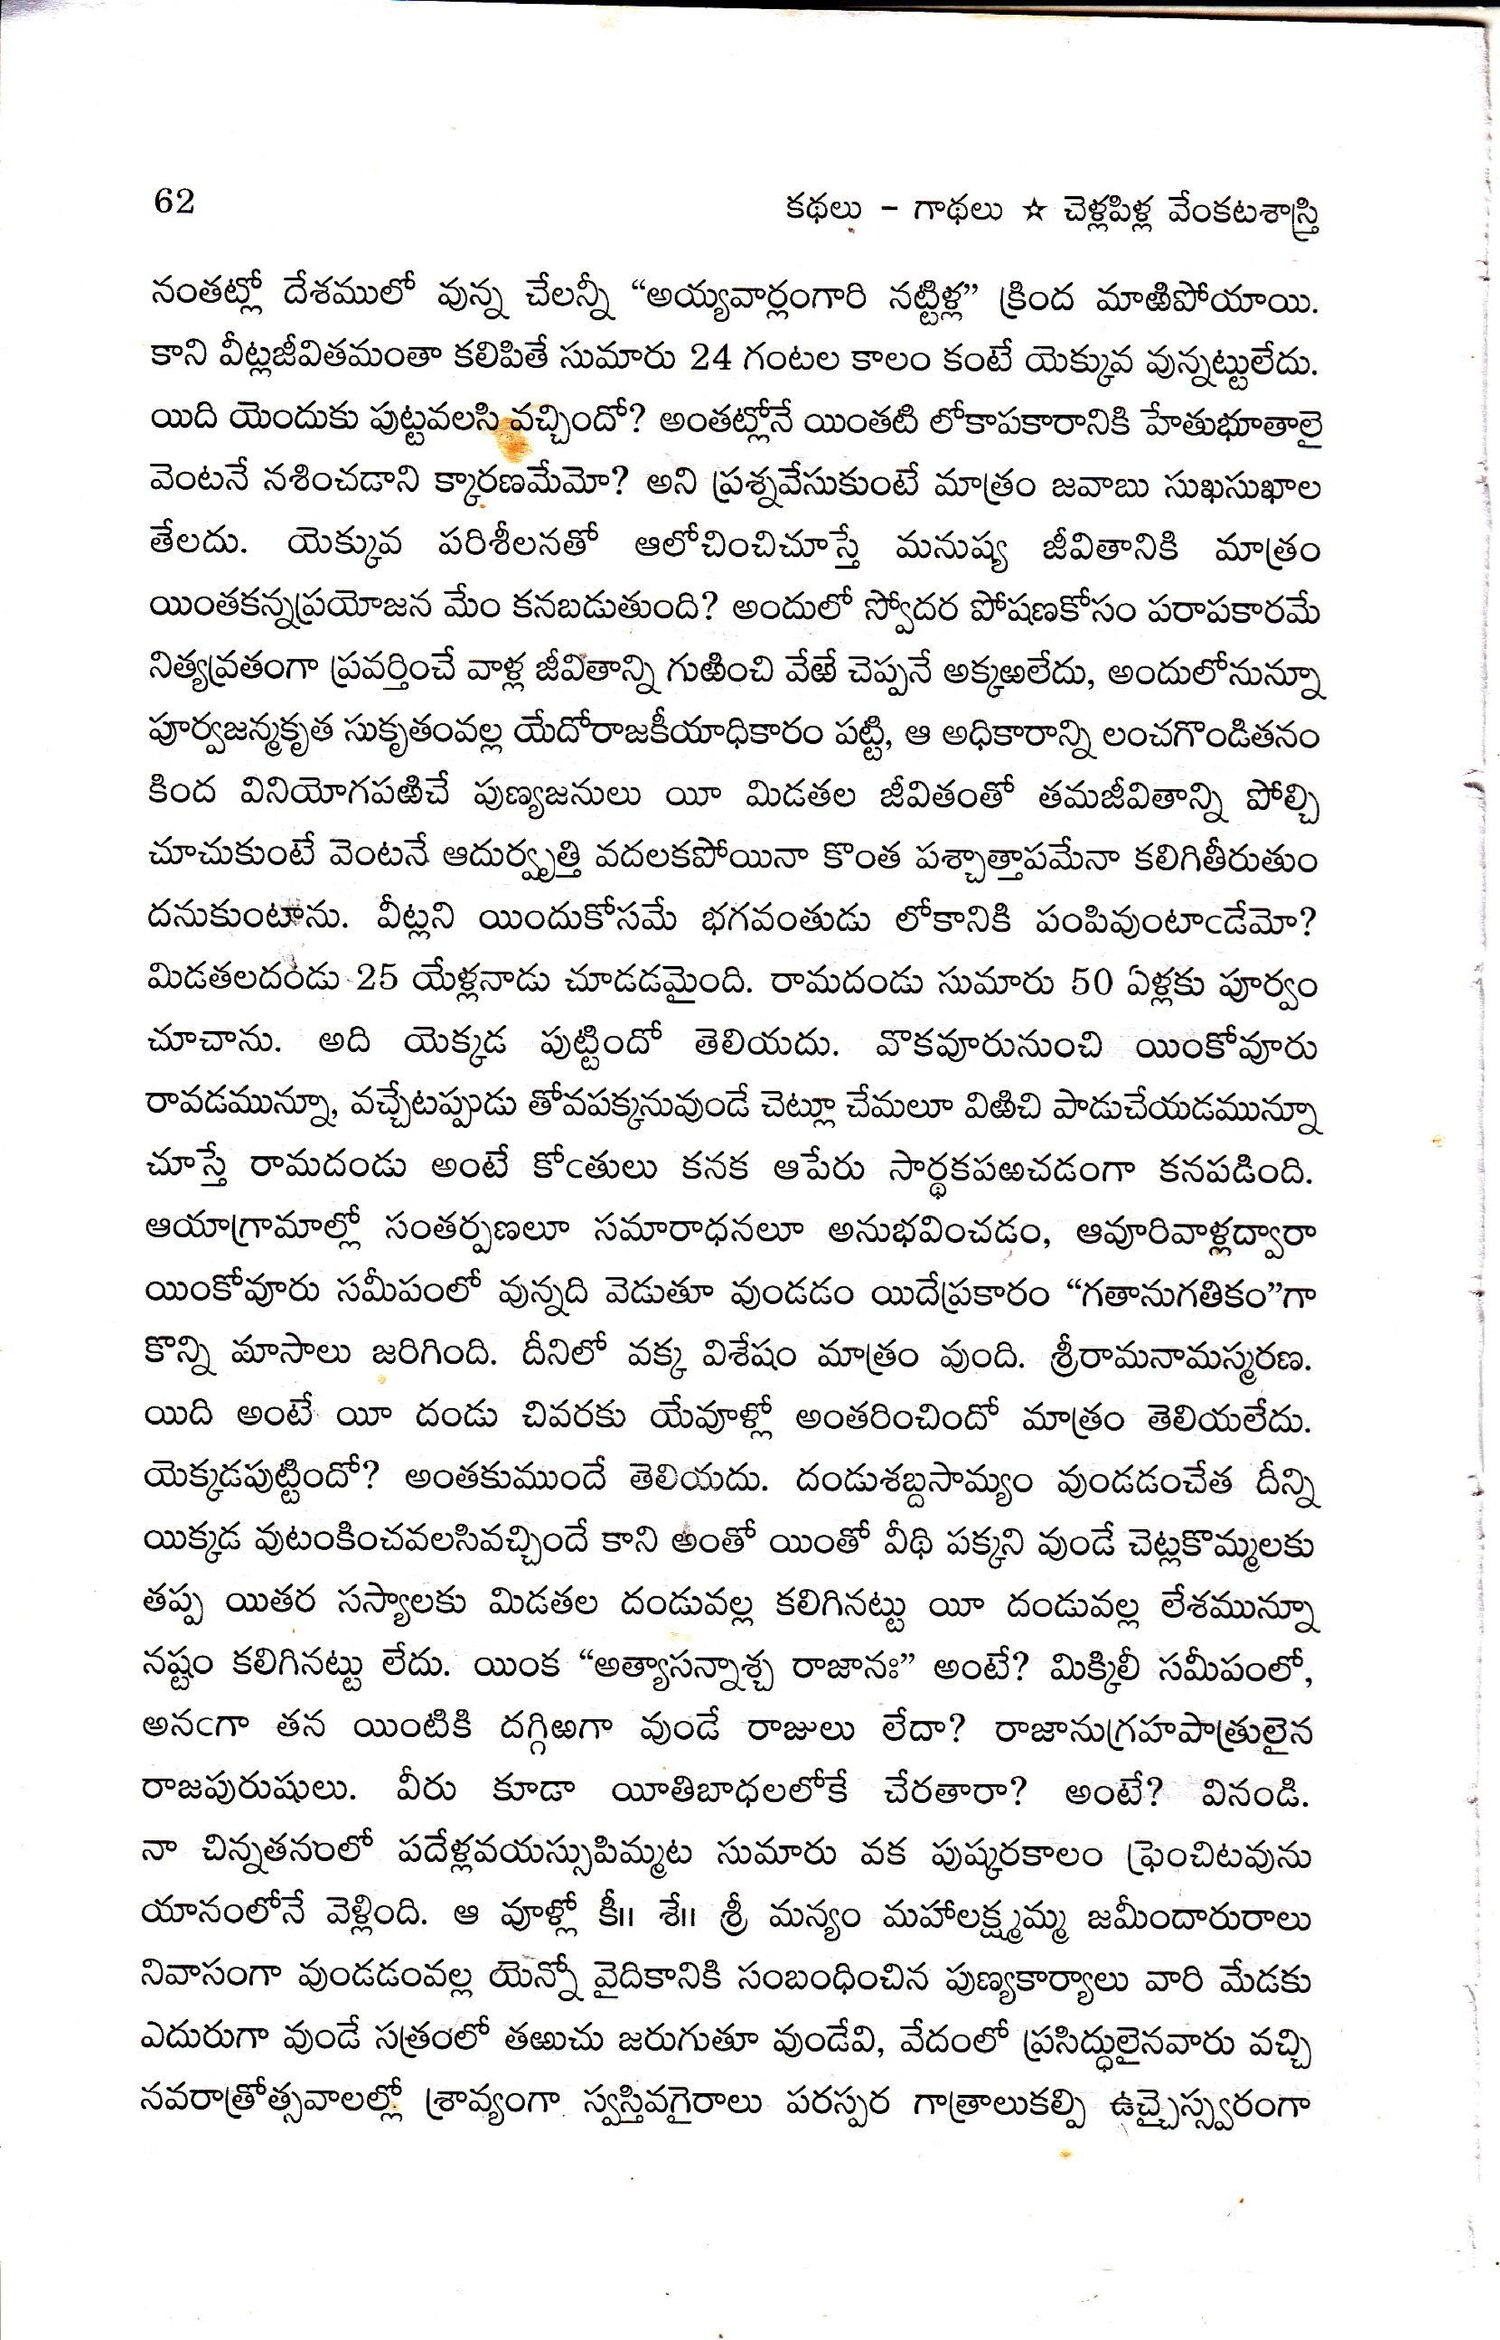నంతల్లో దేశములో వున్న చేలన్నీ ‘అయ్యవార్లంగారి నట్టిళ్ల క్రింద మాటిపోయాయి. కాని వీట్ల జీవితమంతా కలిపితే సుమారు 24 గంటల కాలం కంటే యొక్కువ వున్నట్టులేదు. యిది యెందుకు పుట్టవలసి వచ్చిందో? అంతల్లోనే యింతటి లోకాపకారానికి హేతుభూతాలై వెంటనే నశించడాని కారణమేమో? అని ప్రశ్నవేసుకుంటే మాత్రం జవాబు సుఖసుఖాల తేలదు. యొక్కువ పరిశీలనతో ఆలోచించిచూస్తే మనుష్య జీవితానికి మాత్రం యింతకన్నప్రయోజన మేం కనబడుతుంది? అందులో స్వోదర పోషణకోసం పరాపకారమే నిత్యవ్రతంగా ప్రవర్తించే వాళ్ల జీవితాన్ని గుఱించి వేటే చెప్పనే అక్కఱలేదు, అందులోనున్నూ పూర్వజన్మకృత సుకృతంవల్ల యేదోరాజకీయాధికారం పట్టి, ఆ అధికారాన్ని లంచగొండితనం కింద వినియోగపఱిచే పుణ్యజనులు యీ మిడతల జీవితంతో తమజీవితాన్ని పోల్చి చూచుకుంటే వెంటనే ఆదుర్వృత్తి వదలకపోయినా కొంత పశ్చాత్తాపమేనా కలిగితీరుతుం దనుకుంటాను. వీట్లని యిందుకోసమే భగవంతుడు లోకానికి పంపివుంటాండేమో? మిడతలదరీడు 25 యేళ్లనాడు చూడడమైంది. రామదండు సుమారు 50 ఏళ్లకు పూర్వం చూచాను. అది యొక్కడ పుట్టిందో తెలియదు. వొకవూరునుంచి యింకోవూరు రావడమున్నూ, వచ్చేటప్పడు తోవపక్కనువుండే చెటూ చేమలూ విఱిచి పాడుచేయడమున్నూ చూస్తే రామదండు అంటే కోంతులు కనక ఆపేరు సార్థకపఱచడంగా కనపడింది. ఆయాగ్రామాల్లో సంతర్పణలూ సమారాధనలూ అనుభవించడం, ఆవూరివాళ్లద్వారా యింకోవూరు సమీపంలో వున్నది వెడుతూ వుండడం యిదే ప్రకారం "గతానుగతికంగా కొన్ని మాసాలు జరిగింది. దీనిలో వక్క విశేషం మాత్రం వుంది. శ్రీరామనామస్మరణ. యిది అంటే యీ దండు చివరకు యేవూల్లో అంతరించిందో మాత్రం తెలియలేదు. యొక్కడపుట్టిందో? అంతకుముందే తెలియదు. దండుశబ్దసామ్యం వుండడంచేత దీన్ని యిక్కడ వుటంకించవలసివచ్చిందే కాని అంతో యింతో వీథి పక్కని వుండే చెట్లకొమ్మలకు తప్ప యితర సస్యాలకు మిడతల దండువల్ల కలిగినట్టు యీ దండువల్ల లేశమున్నూ నష్టం కలిగినట్టు లేదు. యింక "అత్యాసన్నాశ్చ రాజానః" అంటే? మిక్కిలీ సమీపంలో, అనంగా తన యింటికి దగ్గిఱగా వుండే రాజులు లేదా? రాజానుగ్రహపాత్రులైన రాజపురుషులు. వీరు కూడా యీతిబాధలలోకే చేరతారా? అంటే? వినండి. त्७० చిన్నతనంలో పదేళ్లవయస్సుపిమ్మట సుమారు వక పుష్కరకాలం ఫ్రెంచిటవును యానంలోనే వెళ్లింది. ఆ వూల్లో కీl శే శ్రీ మన్యం మహాలక్ష్మమ్మ జమీందారురాలు నివాసంగా వుండడంవల్ల యెన్నో వైదికానికి సంబంధించిన పుణ్యకార్యాలు వారి మేడకు ఎదురుగా వుండే సత్రంలో తఱుచు జరుగుతూ వుండేవి, వేదంలో ప్రసిద్దులైనవారు వచ్చి నవరాత్రోత్సవాలల్లో శ్రావ్యంగా స్వస్తివగైరాలు పరస్పర గాత్రాలుకల్పి ఉచ్చైస్వరంగా
-
--
།----
o*
i--